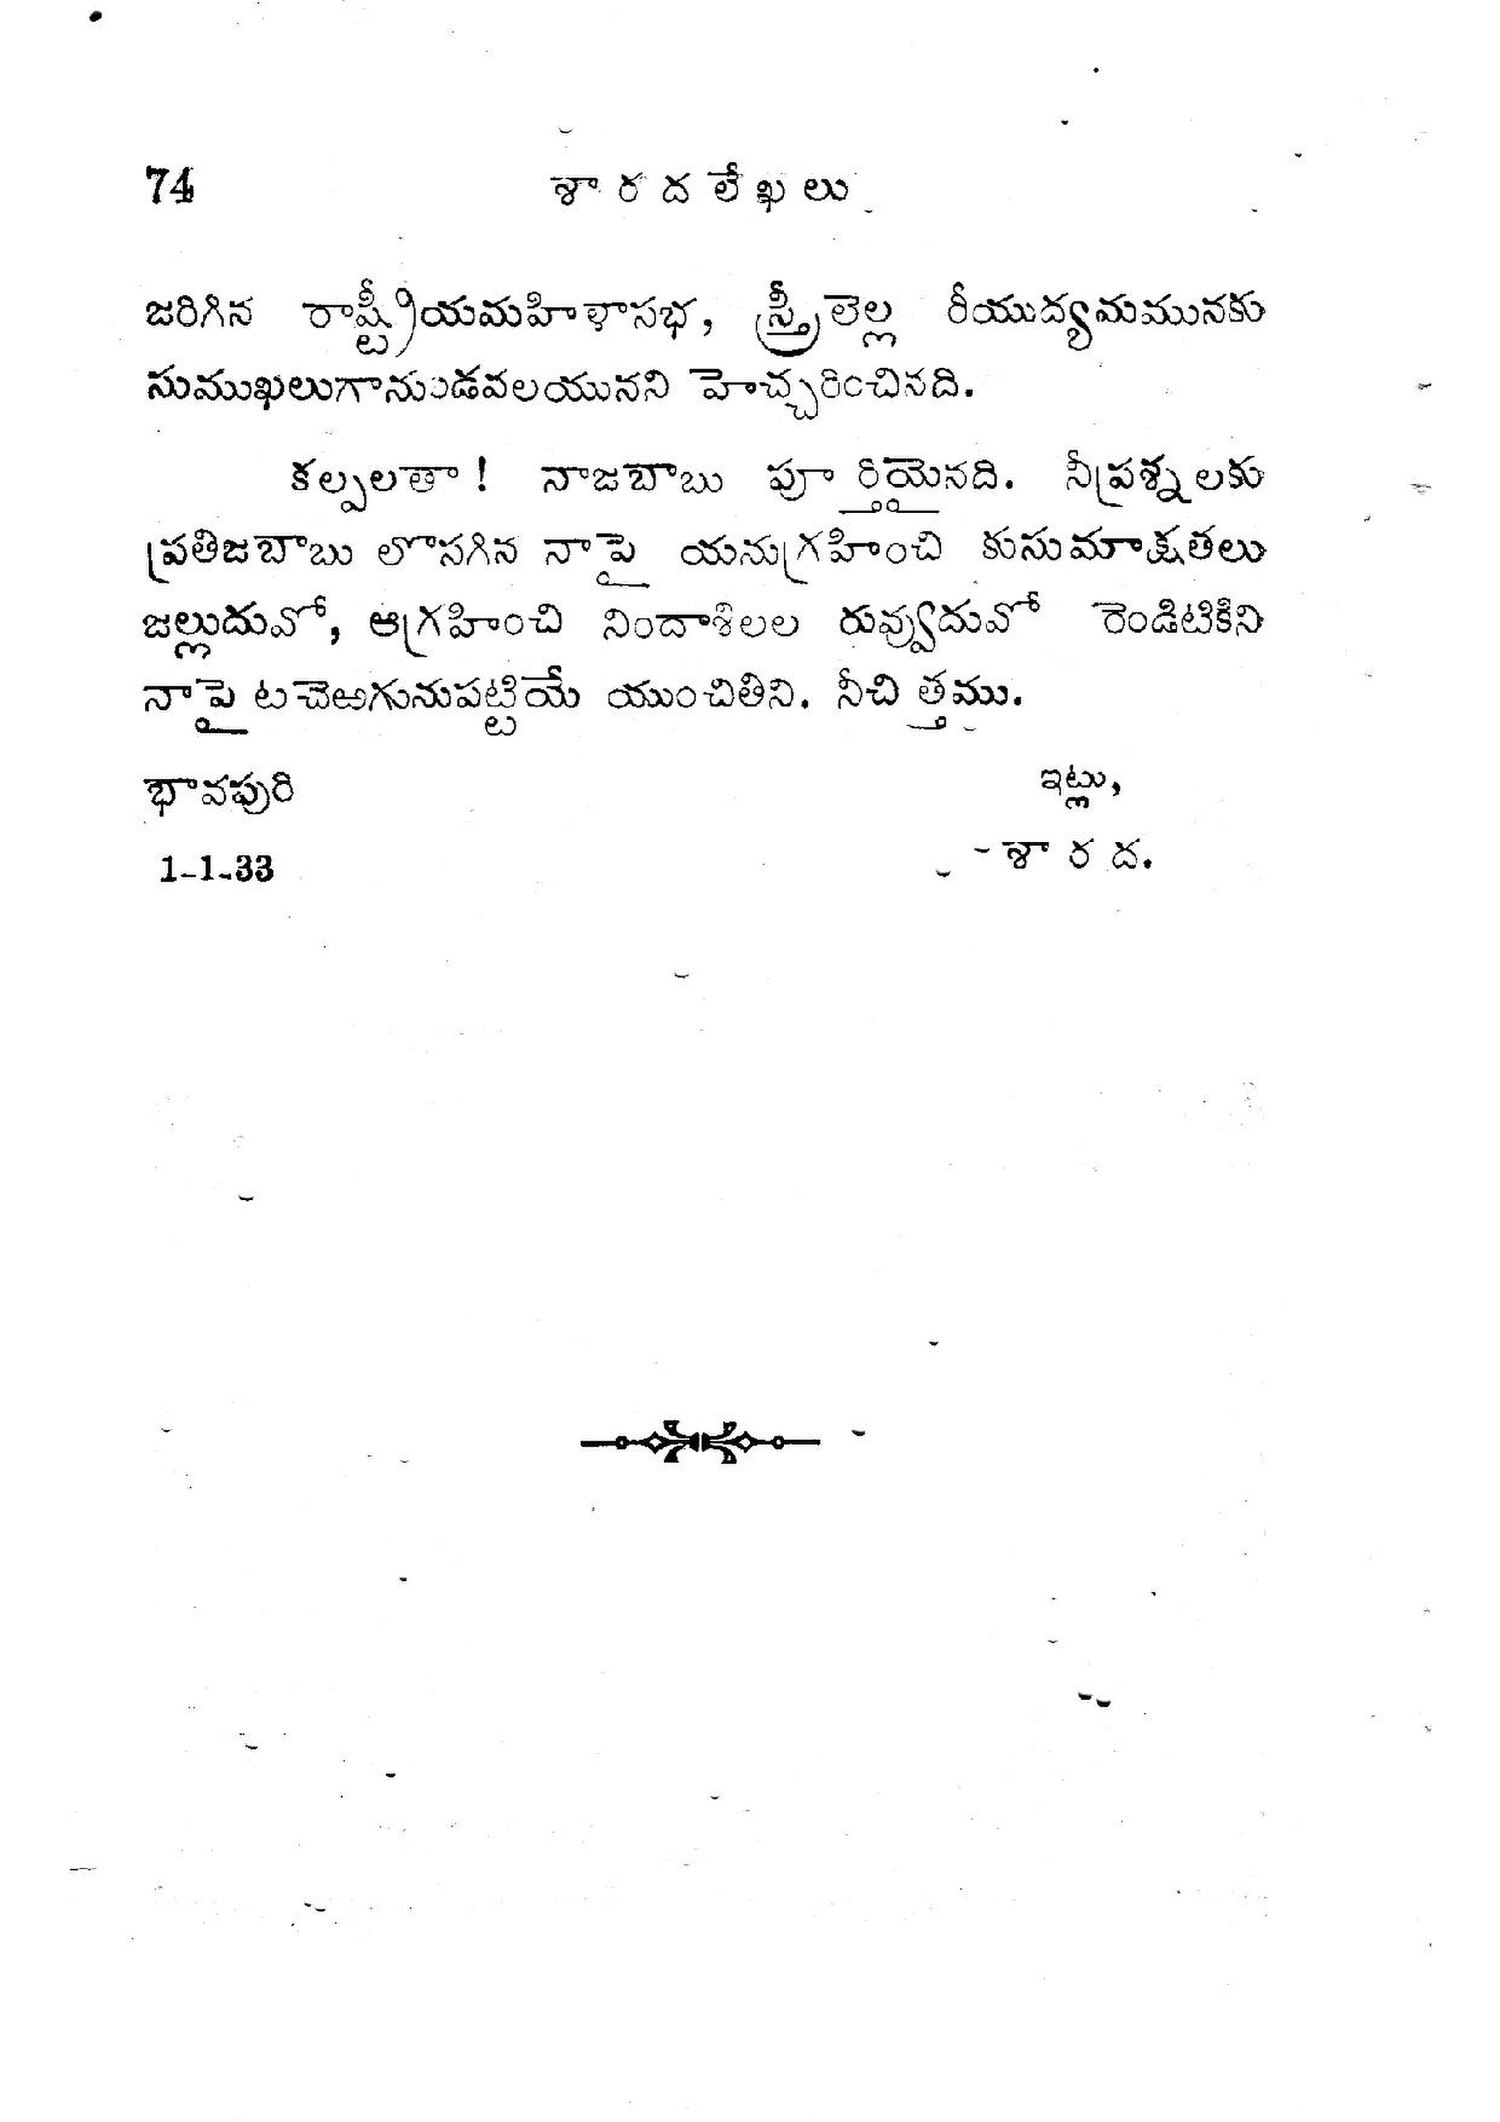జరిగిన రాష్ట్రీయమహిళాసభ, స్త్రీ లెల్ల రీయుద్యమమునకు
సుముఖలుగానుండవలయునని హెచ్చరించినది.

కల్పలతా ! నాజబాబు పూర్తియైనది. నీప్రశ్నలకు
ప్రతిజబాబు లొసగిన నాపై యనుగ్రహించి కుసుమాక్షతలు
జల్లుదువో, ఆగ్రహించి నిందాశిలలు రువ్వుదువో రెండిటికిని
నాపైట చెఱగునుపట్టియే యుంచితిని. నీచిత్తము.